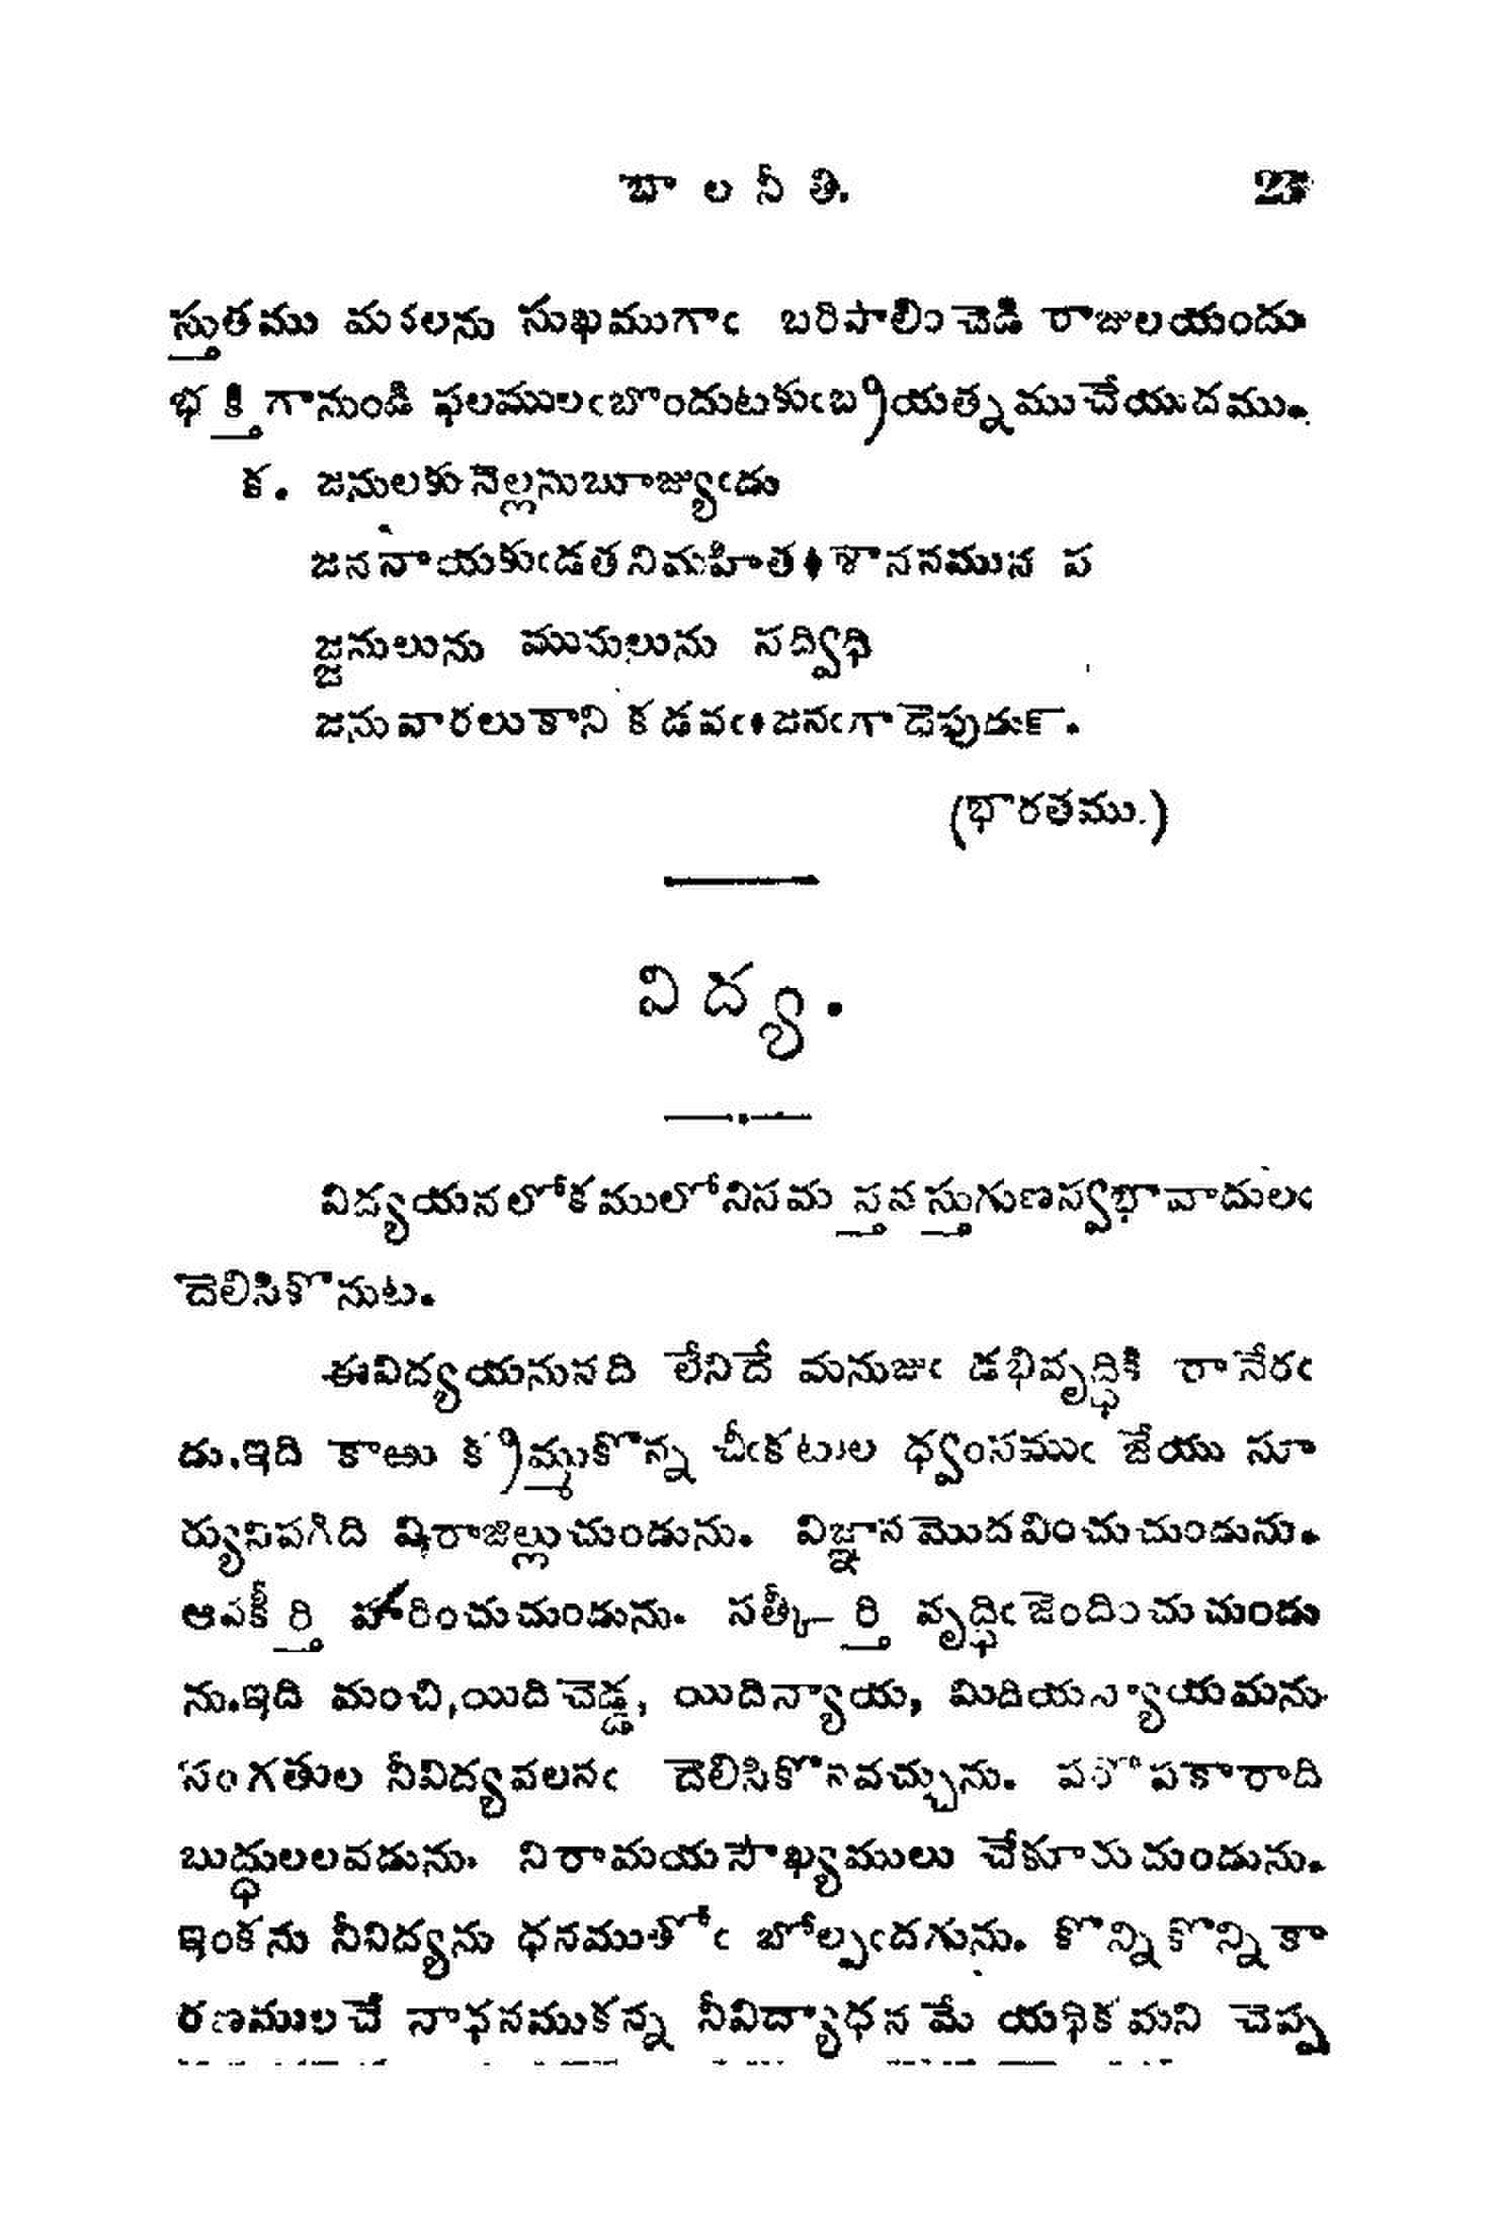స్తుతము మనలను సుఖముగాఁ బరిపాలించెడి రాజులయందు 
భక్తిగానుండి ఫలములఁబొందుటకుఁబ్రయత్నముచేయుదము.

క. జనులకునెల్లనుబూజ్యుఁడు
 జననాయకుఁడతనిమహిత ♦శాసనమున స
 జ్జనులును మునులును సద్విధి
 జనువారలుకాని కడవఁ ♦ జనఁగాదెపుడున్. 
 (భారతము)

విద్య.

విద్యయనలోకములోనిసమస్తవస్తుగుణస్వభావాదులఁ 
దెలిసికొనుట.

ఈవిద్యయనునది లేనిదే మనుజుఁ డభివృద్ధికి రానేరఁ
డు. ఇది కాఱు క్రమ్ముకొన్న చీఁకటుల ధ్వంసముఁ జేయు సూ
ర్యునిపగిది విరాజిల్లుచుండును. విజ్ఞానమొదవించుచుండును. 
అపకీర్తి హరించుచుండును. సత్కీర్తి వృద్దిఁజెందించుచుండు
ను. ఇది మంచి, యిదిచెడ్డ, యిదిన్యాయ, మిదియన్యాయమను 
సంగతుల నీవిద్యవలనఁ దెలిసికొనవచ్చును. పరోపకారాది 
బుద్దులలవడును. నిరామయసౌఖ్యములు చేకూరుచుండును. 
ఇంకను నీవిద్యను ధనముతోఁ బోల్పఁదగును. కొన్నికొన్నికా
రణములచే నాధనముకన్న నీవిద్యాధనమే యధికమని చెప్ప